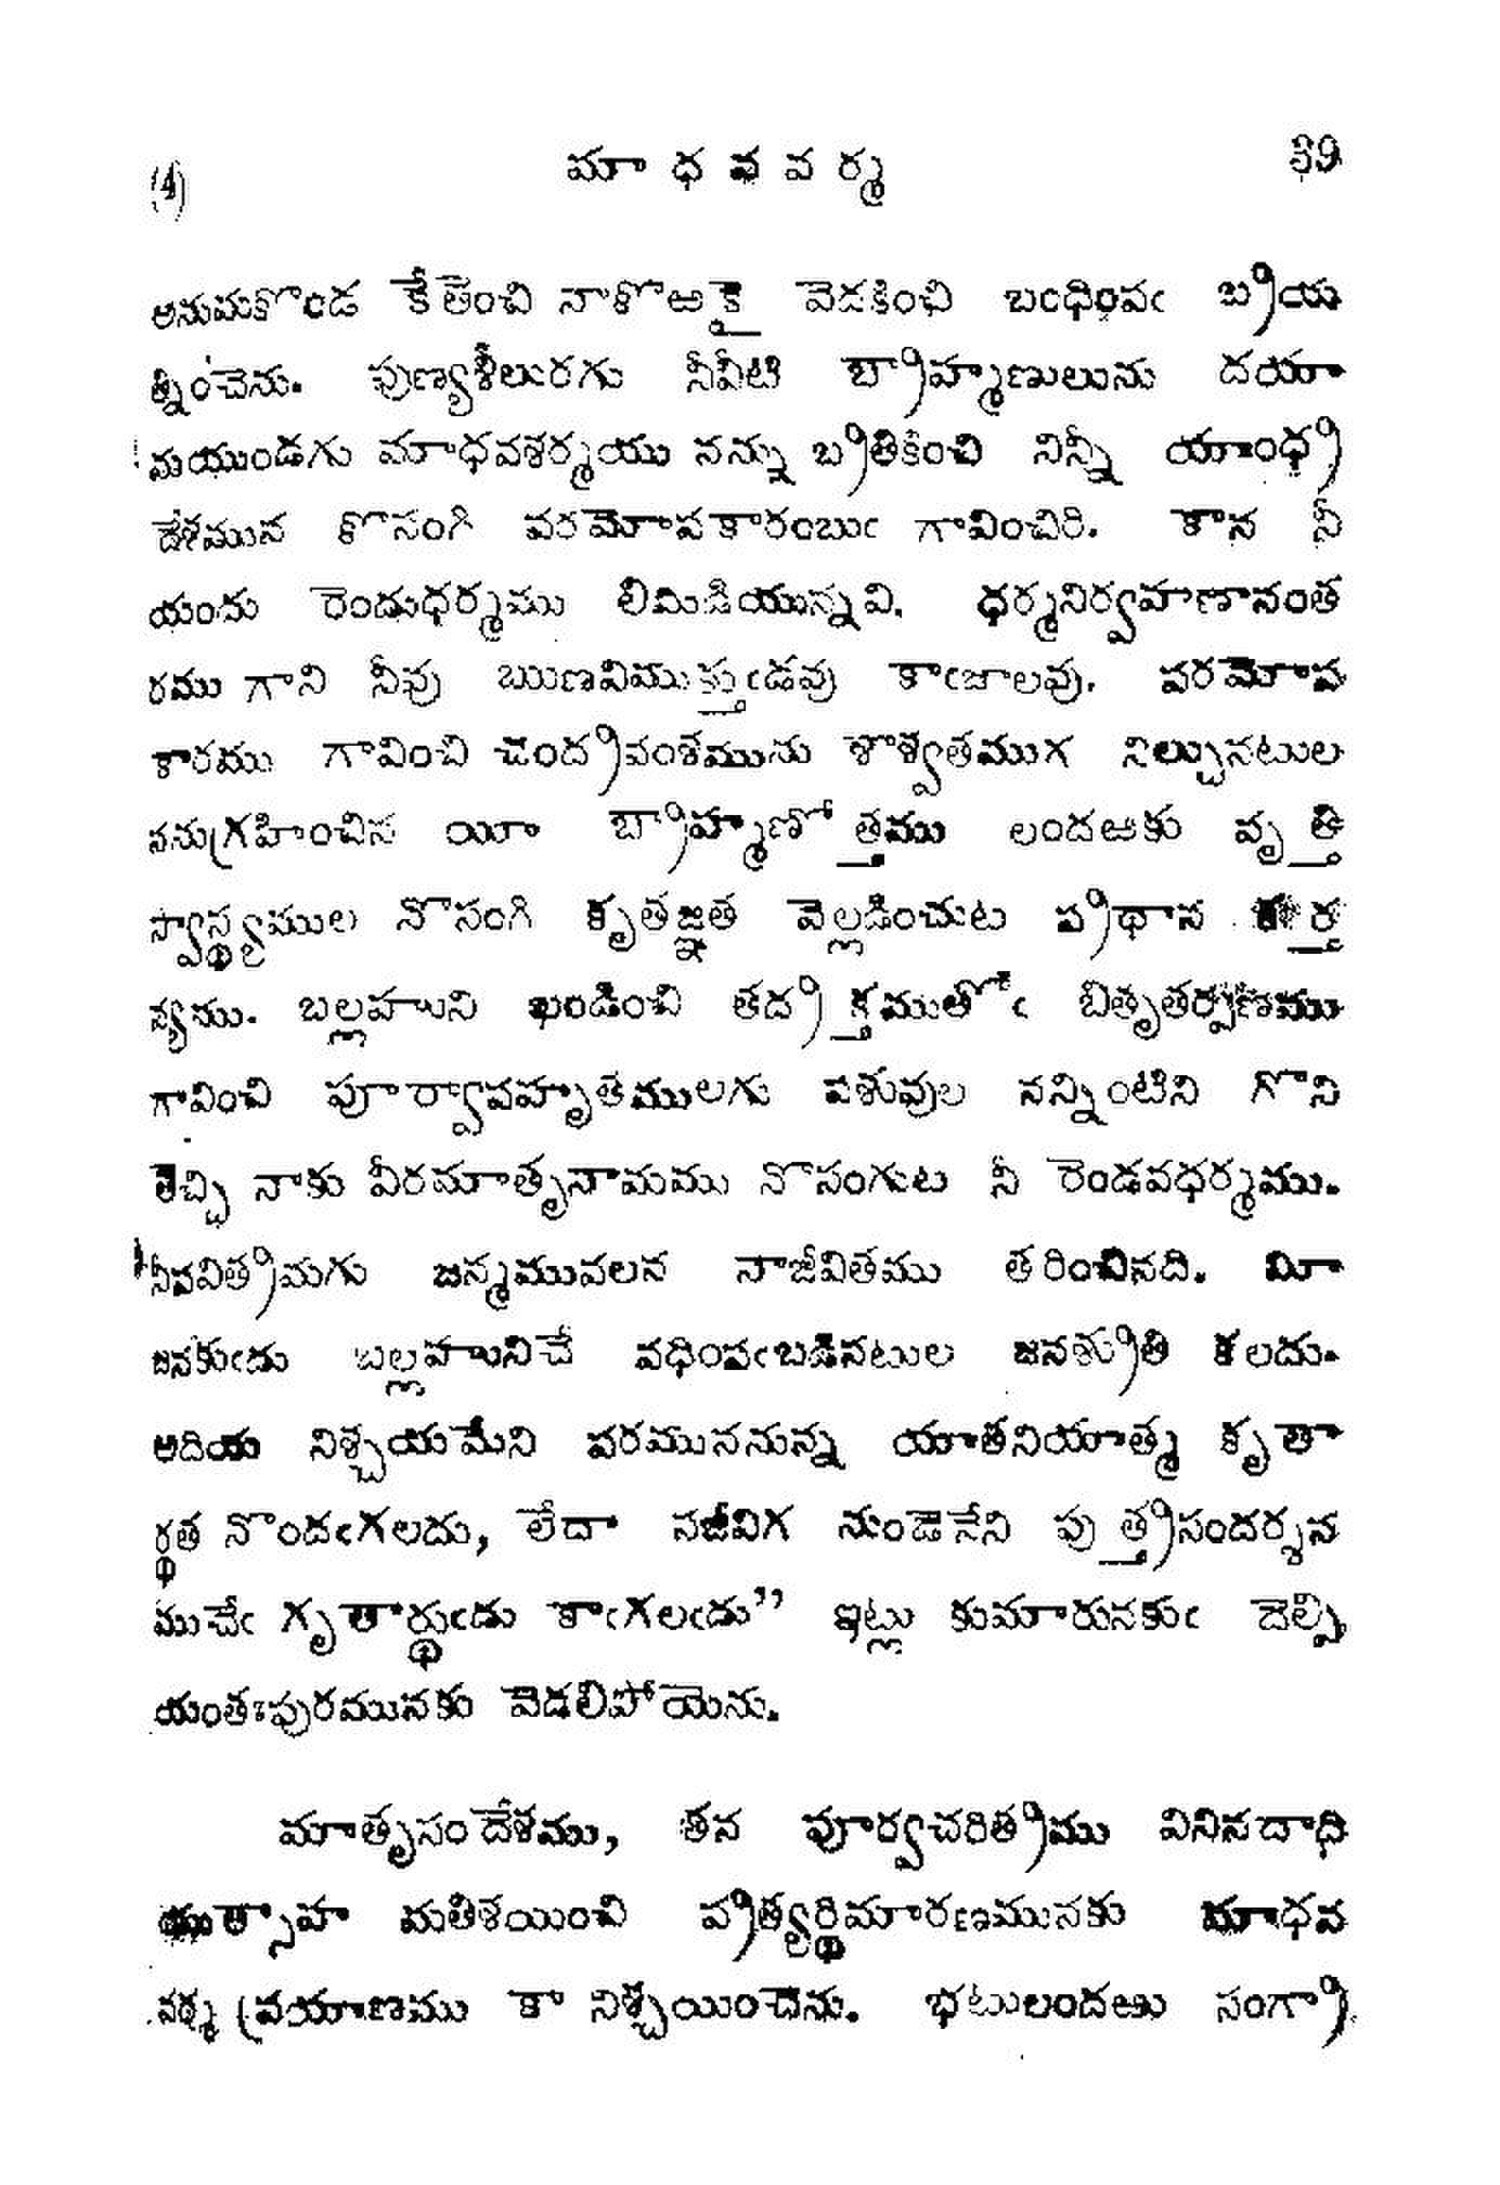అనుమకొండ కేతెంచి నాకొఱకై వెదకించి బంధింప బ్రయత్నించెను. పుణ్యశీలురగు నీవీటి బ్రాహ్మణులును దయామయుండగు మాధవశర్మ నన్ను బ్రతికించి నిన్నీ యాంధ్రదేశమున కొసంగి పరమోపకారంబు గావించిరి. కాన నీయందు రెండుధర్మము లిమిడియున్నవి. ధర్మ నిర్వహణానంతరము గాని నీవు ఋణ విముక్తుడవు కాజాలవు. పరమోపకారము గావించి చంద్రవంశమును శాశ్వతముగ నిల్చునటుల ననుగ్రహించిన యీ బ్రాహ్మణోత్తము లందఱుకు వృత్తిస్వాస్థ్యముల నొసంగి కృతజ్ఞత వెల్లడించుట ప్రధాన కర్తవ్యము. బల్లహుని ఖండించి తద్రక్తముతో బితృతర్పణము గావించి పూర్వాపహృతములగు పశువుల నన్నింటిని గొని తెచ్చి నాకు వీరమాతృనామము నొసంగుట నీ రెండవ ధర్మము. నీపవిత్రమగు జన్మము వలన నాజీవితము తరించినది. మీ జనకుడు బల్లహునిచే వధింపబడినటుల జనశ్రుతి కలదు. అదియ నిశ్చయమేని పరముననున్న యాతనియాత్మ కృతార్థత నొందగలదు, లేదా సజీవిగ నుండెనేని పుత్రసందర్శనముచే గృతార్థుడు కాగలడు" ఇట్లు కుమారునకు దెల్పి యంత:పురమునకు వెడలిపోయెను.

మాతృసందేశము, తన పూర్వచరిత్రము వినినదాది యుత్సాహ మతిశయించి ప్రత్యర్థిమారణమునకు మాధవవర్మ ప్రయాణము కా నిశ్చయించెను. భటులందఱు సంగ్రా